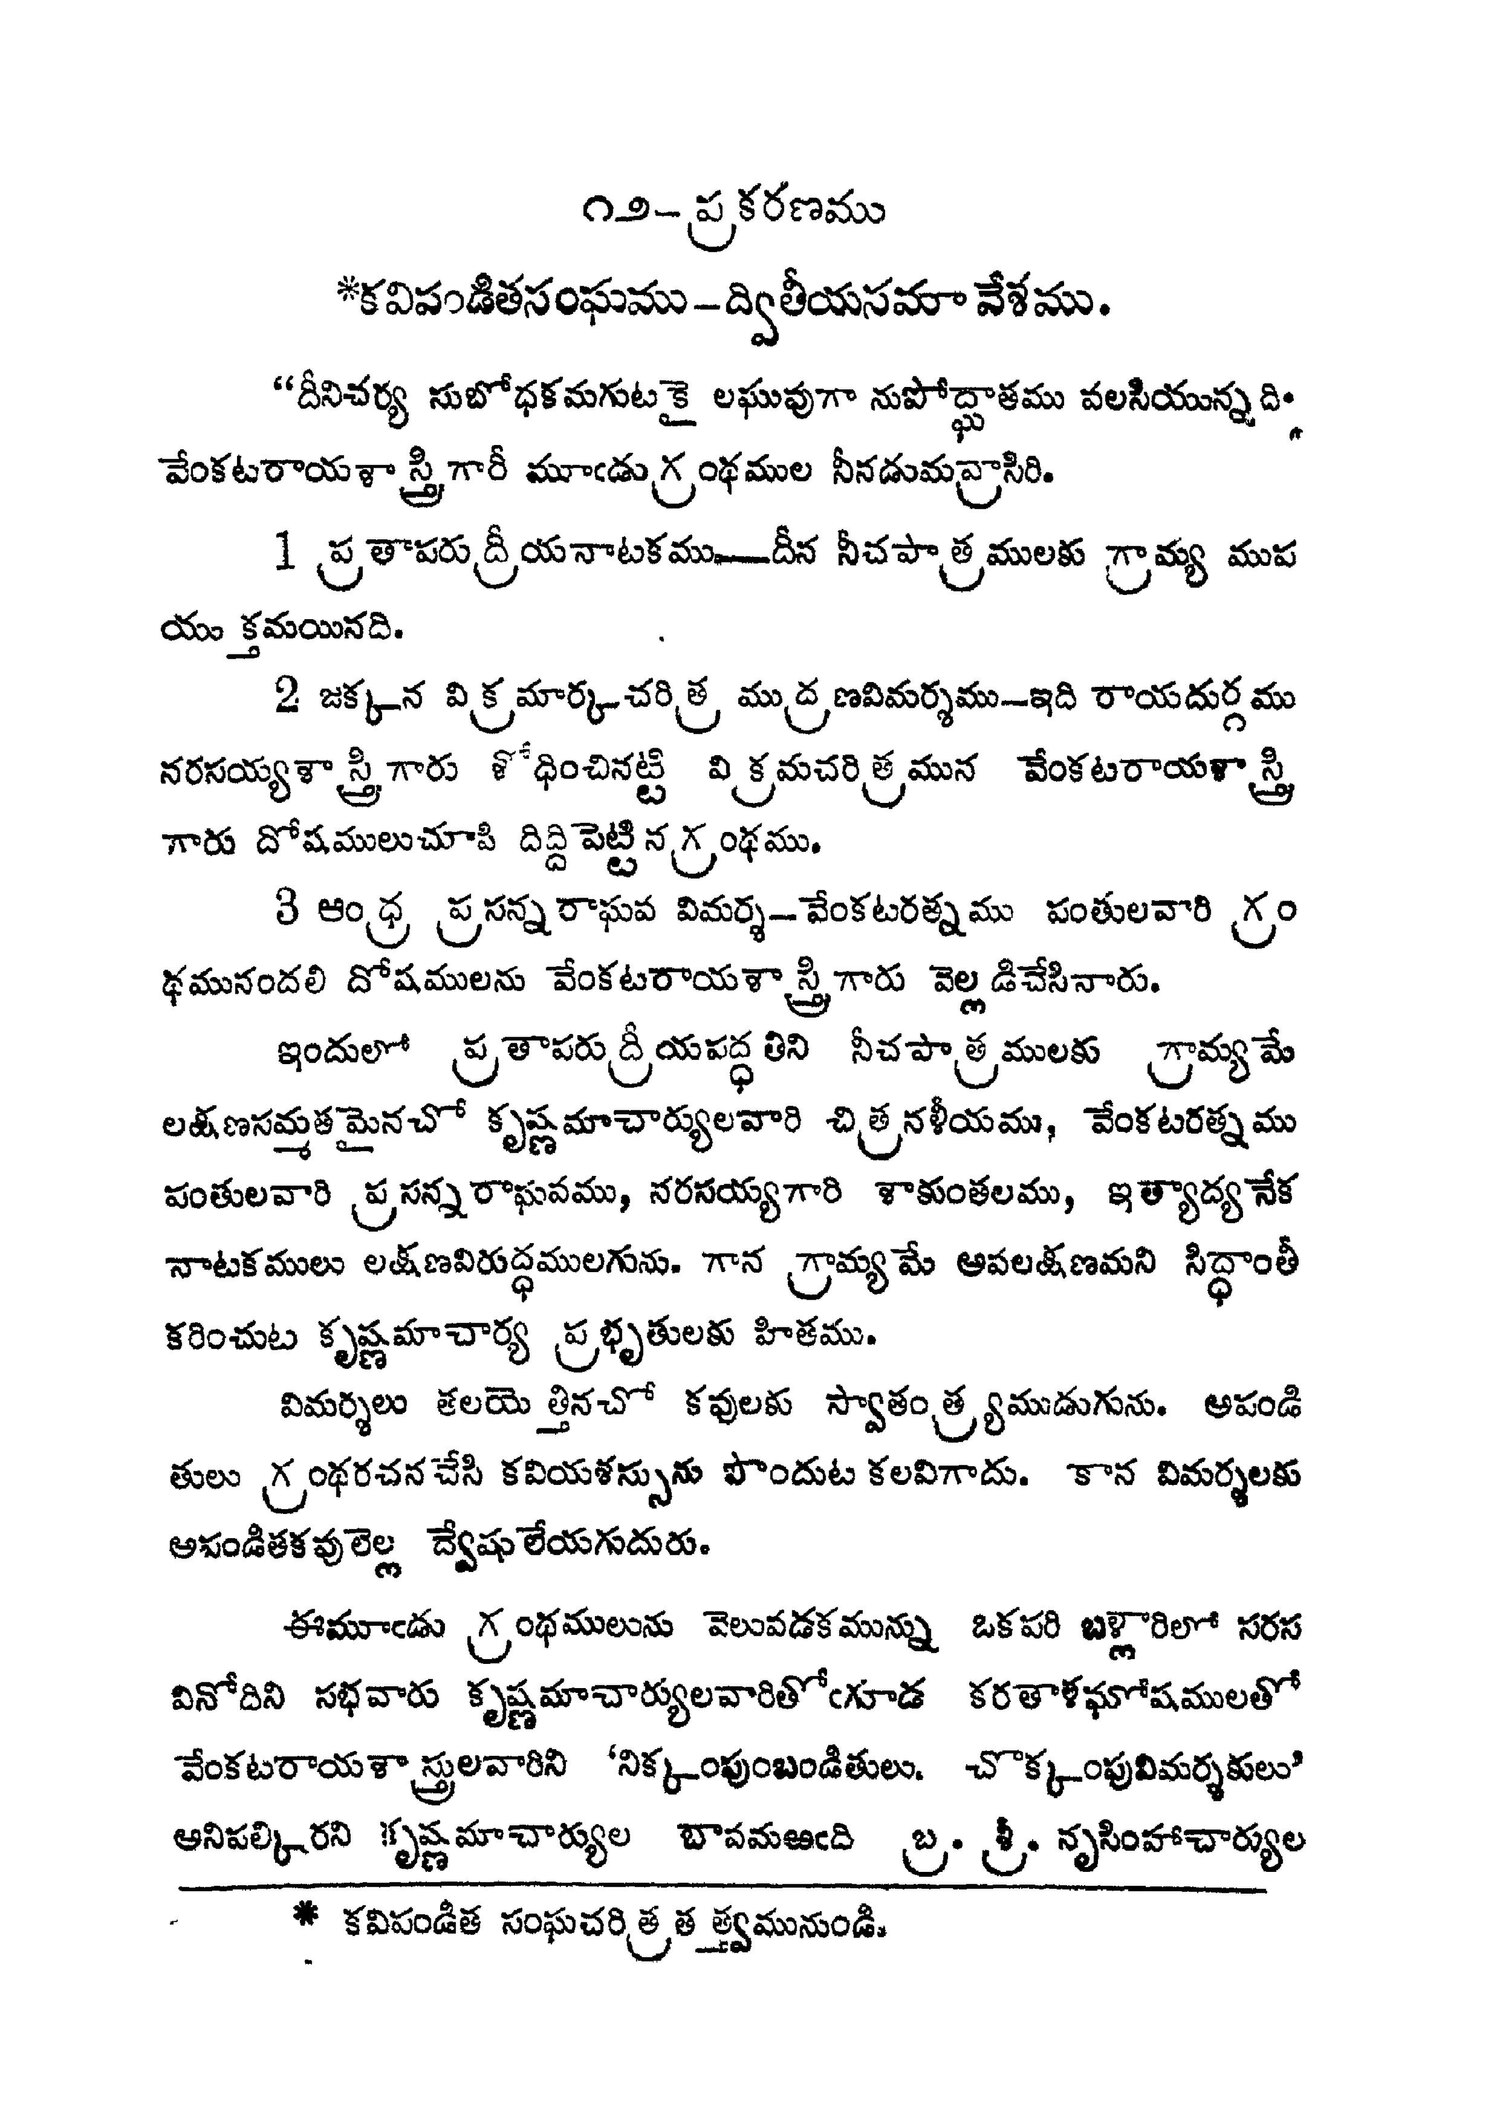"దీనిచర్య సుబోధకమగుటకై లఘువుగా నుపోద్ఘాతము వలసియున్నది. వేంకటరాయశాస్త్రిగారీ మూడుగ్రంథముల నీనడుమవ్రాసిరి.

1. ప్రతాపరుద్రీయనాటకము - దీన నీచపాత్రములకు గ్రామ్య ముపయుక్తమయినది.

2. జక్కన విక్రమార్కచరిత్ర ముద్రణవిమర్శము - ఇది రాయదుర్గము నరసయ్యశాస్త్రిగారు శోధించినట్టి విక్రమచరిత్రమున వేంకటరాయశాస్త్రిగారు దోషములుచూపి దిద్దిపెట్టినగ్రంథము.

3. ఆంధ్ర ప్రసన్నరాఘవ విమర్శ - వేంకటరత్నము పంతులవారి గ్రంథమునందలి దోషములను వేంకటరాయశాస్త్రిగారు వెల్లడిచేసినారు.

ఇందులో ప్రతాపరుద్రీయపద్ధతిని నీచపాత్రములకు గ్రామ్యమే లక్షణసమ్మతమైనచో కృష్ణమాచార్యులవారి చిత్రనళీయము, వేంకటరత్నము పంతులవారి ప్రసన్నరాఘవము, నరసయ్యగారి శాకుంతలము, ఇత్యాద్యనేక నాటకములు లక్షణవిరుద్ధములగును. గాన గ్రామ్యమే అవలక్షణమని సిద్ధాంతీకరించుట కృష్ణమాచార్య ప్రభృతులకు హితము.

విమర్శలు తలయెత్తినచో కవులకు స్వాతంత్ర్యముడుగును. అపండితులు గ్రంథరచనచేసి కవియశస్సును పొందుట కలవిగాదు. కాన విమర్శలకు అపండితకవులెల్ల ద్వేషులేయగుదురు.

ఈమూడు గ్రంథములును వెలువడకమున్ను ఒకపరి బళ్లారిలో సరసవినోదిని సభవారు కృష్ణమాచార్యులవారితోగూడ కరతాళఘోషములతో వేంకటరాయశాస్త్రులవారిని 'నిక్కంపుంబండితులు. చొక్కంపువిమర్శకులు' అనిపల్కిరని కృష్ణమాచార్యుల బావమఱది బ్ర.శ్రీ. నృసింహాచార్యుల

____________________________________________________________________

 కవిపండిత సంఘచరిత్రతత్త్వమునుండి.